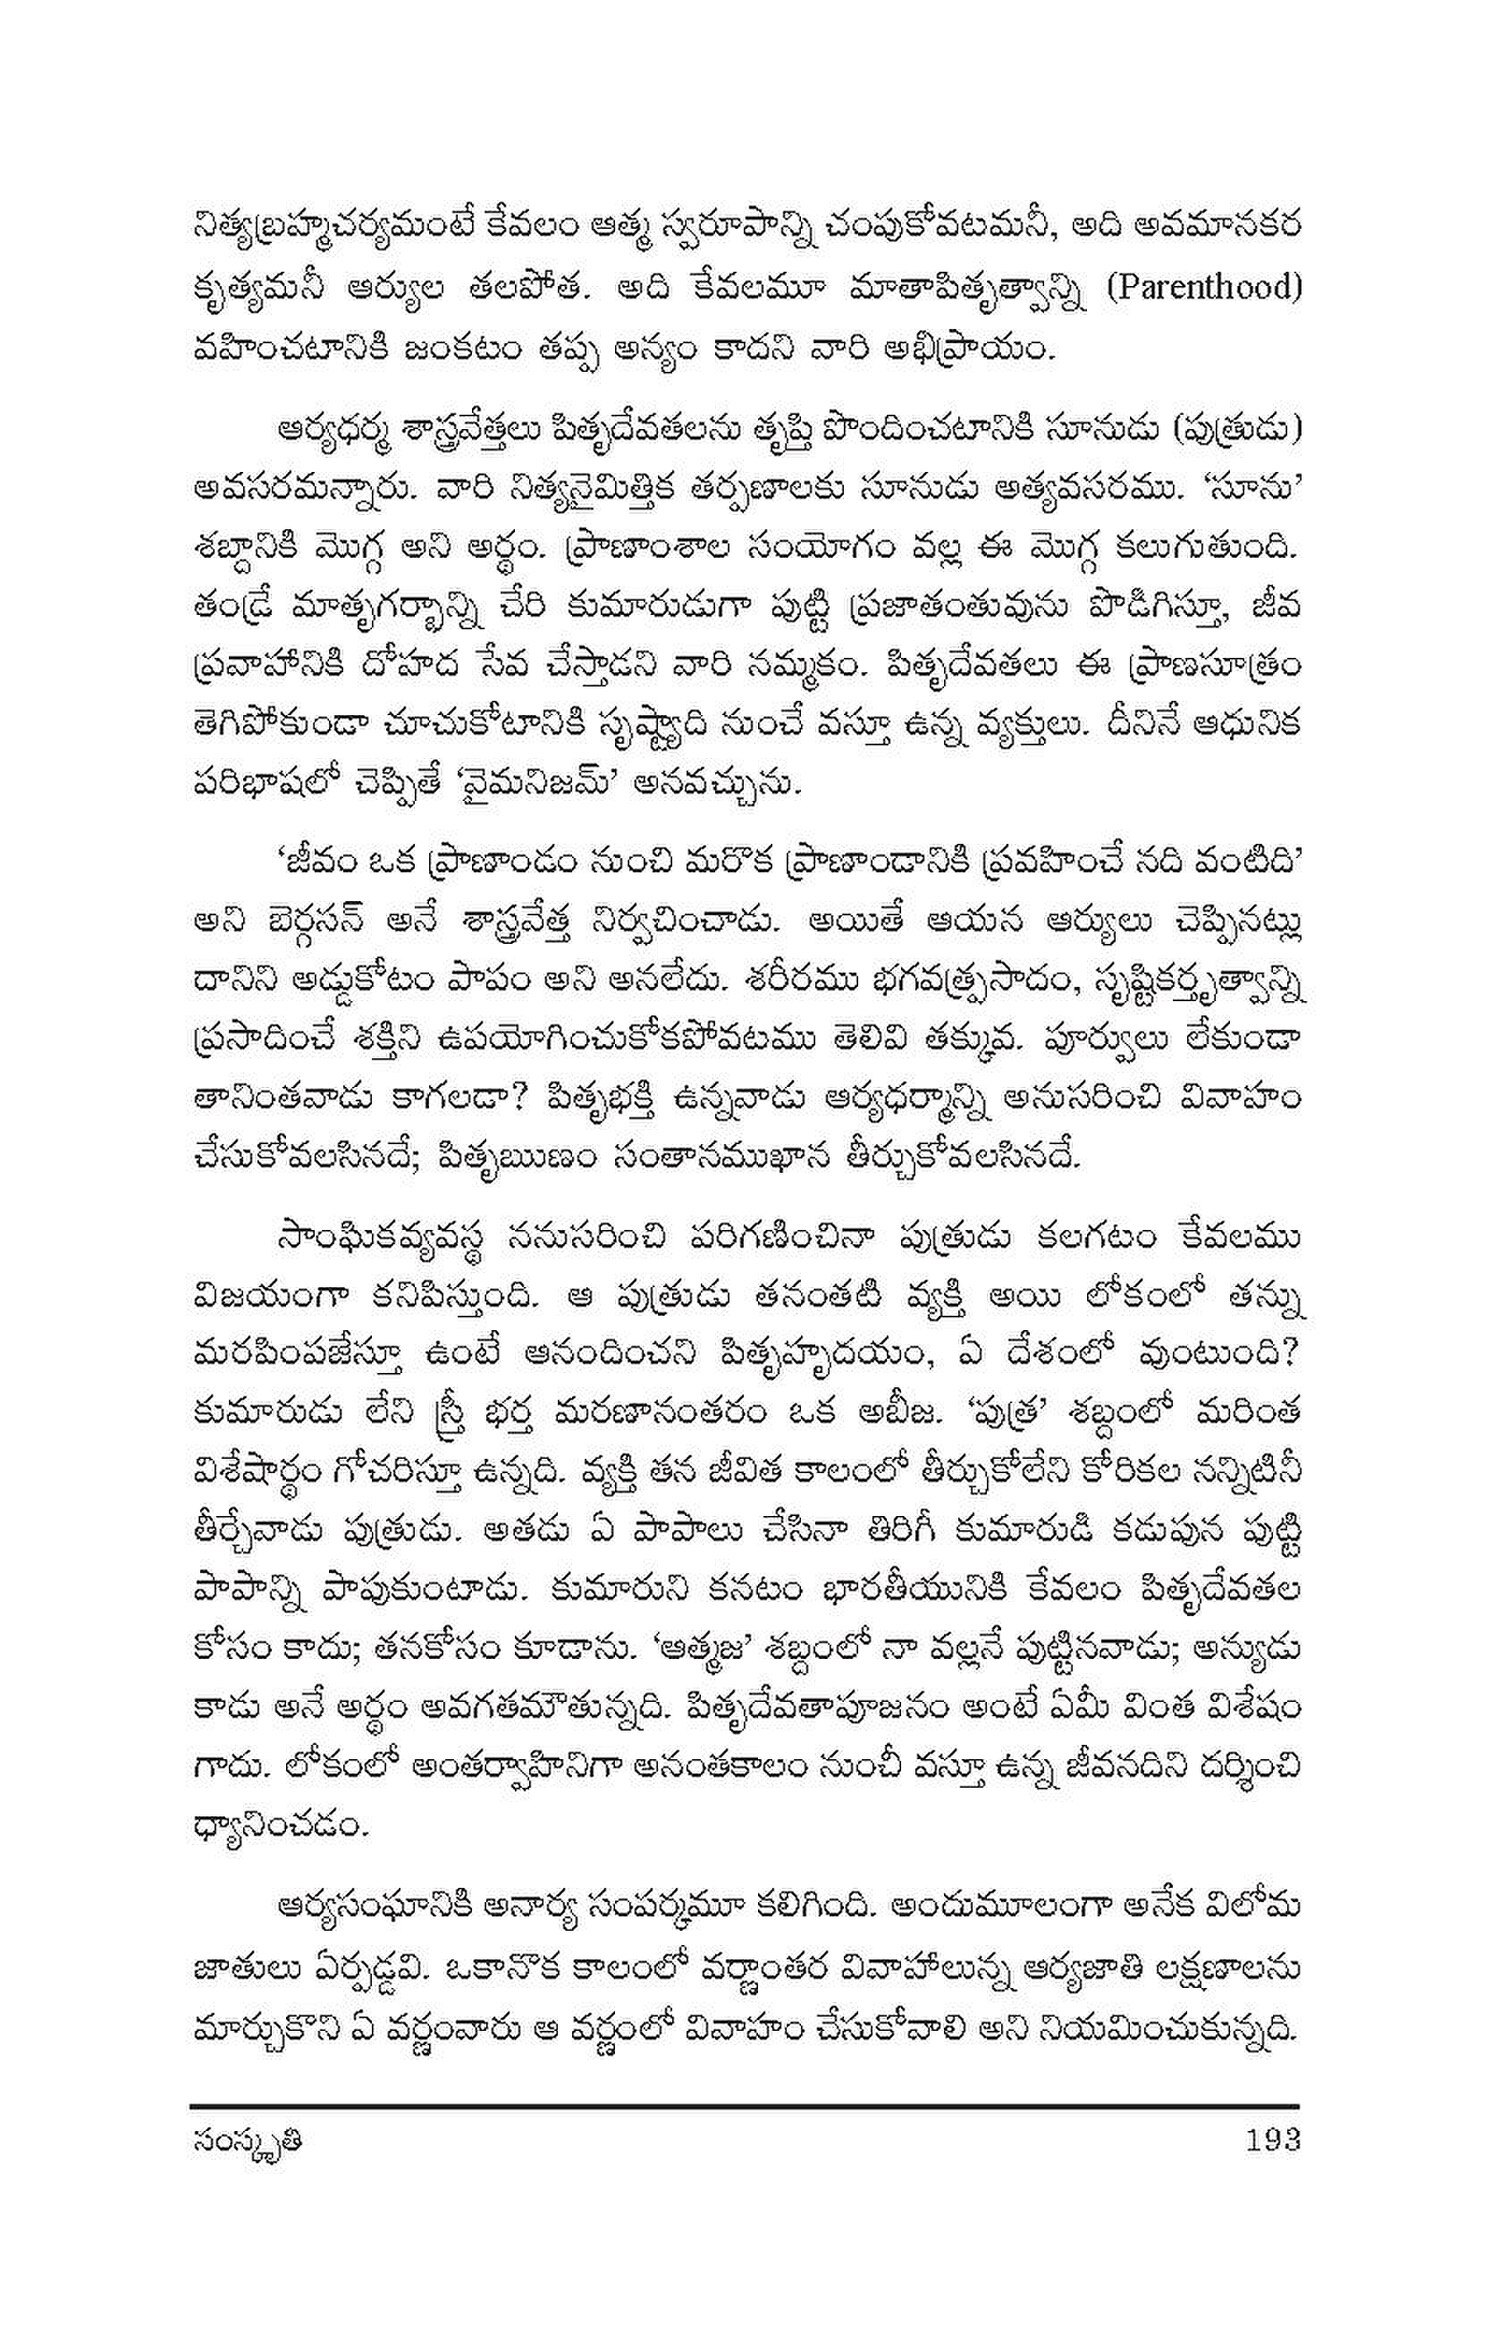నిత్యబ్రహ్మచర్యమంటే కేవలం ఆత్మ స్వరూపాన్ని చంపుకోవటమనీ, అది అవమానకర
కృత్యమనీ ఆర్యుల తలపోత. అది కేవలమూ మాతాపితృత్వాన్ని (Parenthood)
వహించటానికి జంకటం తప్ప అన్యం కాదని వారి అభిప్రాయం.

ఆర్యధర్మ శాస్త్రవేత్తలు పితృదేవతలను తృప్తి పొందించటానికి సూనుడు (పుత్రుడు)
అవసరమన్నారు. వారి నిత్యనైమిత్తిక తర్పణాలకు సూనుడు అత్యవసరము. 'సూను'
శబ్దానికి మొగ్గ అని అర్థం. ప్రాణాంశాల సంయోగం వల్ల ఈ మొగ్గ కలుగుతుంది.
తండ్రే మాతృగర్భాన్ని చేరి కుమారుడుగా పుట్టి ప్రజాతంతువును పొడిగిస్తూ, జీవ
ప్రవాహానికి దోహద సేవ చేస్తాడని వారి నమ్మకం. పితృదేవతలు ఈ ప్రాణసూత్రం
తెగిపోకుండా చూచుకోటానికి సృష్ట్యాది నుంచే వస్తూ ఉన్న వ్యక్తులు. దీనినే ఆధునిక
పరిభాషలో చెప్పితే 'వైమనిజమ్' అనవచ్చును.

'జీవం ఒక ప్రాణాండం నుంచి మరొక ప్రాణాండానికి ప్రవహించే నది వంటిది'
అని బెర్గసన్ అనే శాస్త్రవేత్త నిర్వచించాడు. అయితే ఆయన ఆర్యులు చెప్పినట్లు
దానిని అడ్డుకోటం పాపం అని అనలేదు. శరీరము భగవత్ప్రసాదం, సృష్టికర్తృత్వాన్ని
ప్రసాదించే శక్తిని ఉపయోగించుకోకపోవటము తెలివి తక్కువ. పూర్వులు లేకుండా
తానింతవాడు కాగలడా? పితృభక్తి ఉన్నవాడు ఆర్యధర్మాన్ని అనుసరించి వివాహం
చేసుకోవలసినదే; పితృఋణం సంతానముఖాన తీర్చుకోవలసినదే.

సాంఘికవ్యవస్థ ననుసరించి పరిగణించినా పుత్రుడు కలగటం కేవలము
విజయంగా కనిపిస్తుంది. ఆ పుత్రుడు తనంతటి వ్యక్తి అయి లోకంలో తన్ను
మరపింపజేస్తూ ఉంటే ఆనందించని పితృహృదయం, ఏ దేశంలో వుంటుంది?
కుమారుడు లేని స్త్రీ భర్త మరణానంతరం ఒక అబీజ. 'పుత్ర' శబ్దంలో మరింత
విశేషార్థం గోచరిస్తూ ఉన్నది. వ్యక్తి తన జీవిత కాలంలో తీర్చుకోలేని కోరికల నన్నిటినీ
తీర్చేవాడు పుత్రుడు. అతడు ఏ పాపాలు చేసినా తిరిగీ కుమారుడి కడుపున పుట్టి
పాపాన్ని పాపుకుంటాడు. కుమారుని కనటం భారతీయునికి కేవలం పితృదేవతల
కోసం కాదు; తనకోసం కూడాను. 'ఆత్మజ' శబ్దంలో నా వల్లనే పుట్టినవాడు; అన్యుడు
కాడు అనే అర్థం అవగతమౌతున్నది. పితృదేవతాపూజనం అంటే ఏమీ వింత విశేషం
గాదు. లోకంలో అంతర్వాహినిగా అనంతకాలం నుంచీ వస్తూ ఉన్న జీవనదిని దర్శించి
ధ్యానించడం.
ఆర్యసంఘానికి అనార్య సంపర్కమూ కలిగింది. అందుమూలంగా అనేక విలోమ
జాతులు ఏర్పడ్డవి. ఒకానొక కాలంలో వర్ణాంతర వివాహాలున్న ఆర్యజాతి లక్షణాలను
మార్చుకొని ఏ వర్ణంవారు ఆ వర్ణంలో వివాహం చేసుకోవాలి అని నియమించుకున్నది.